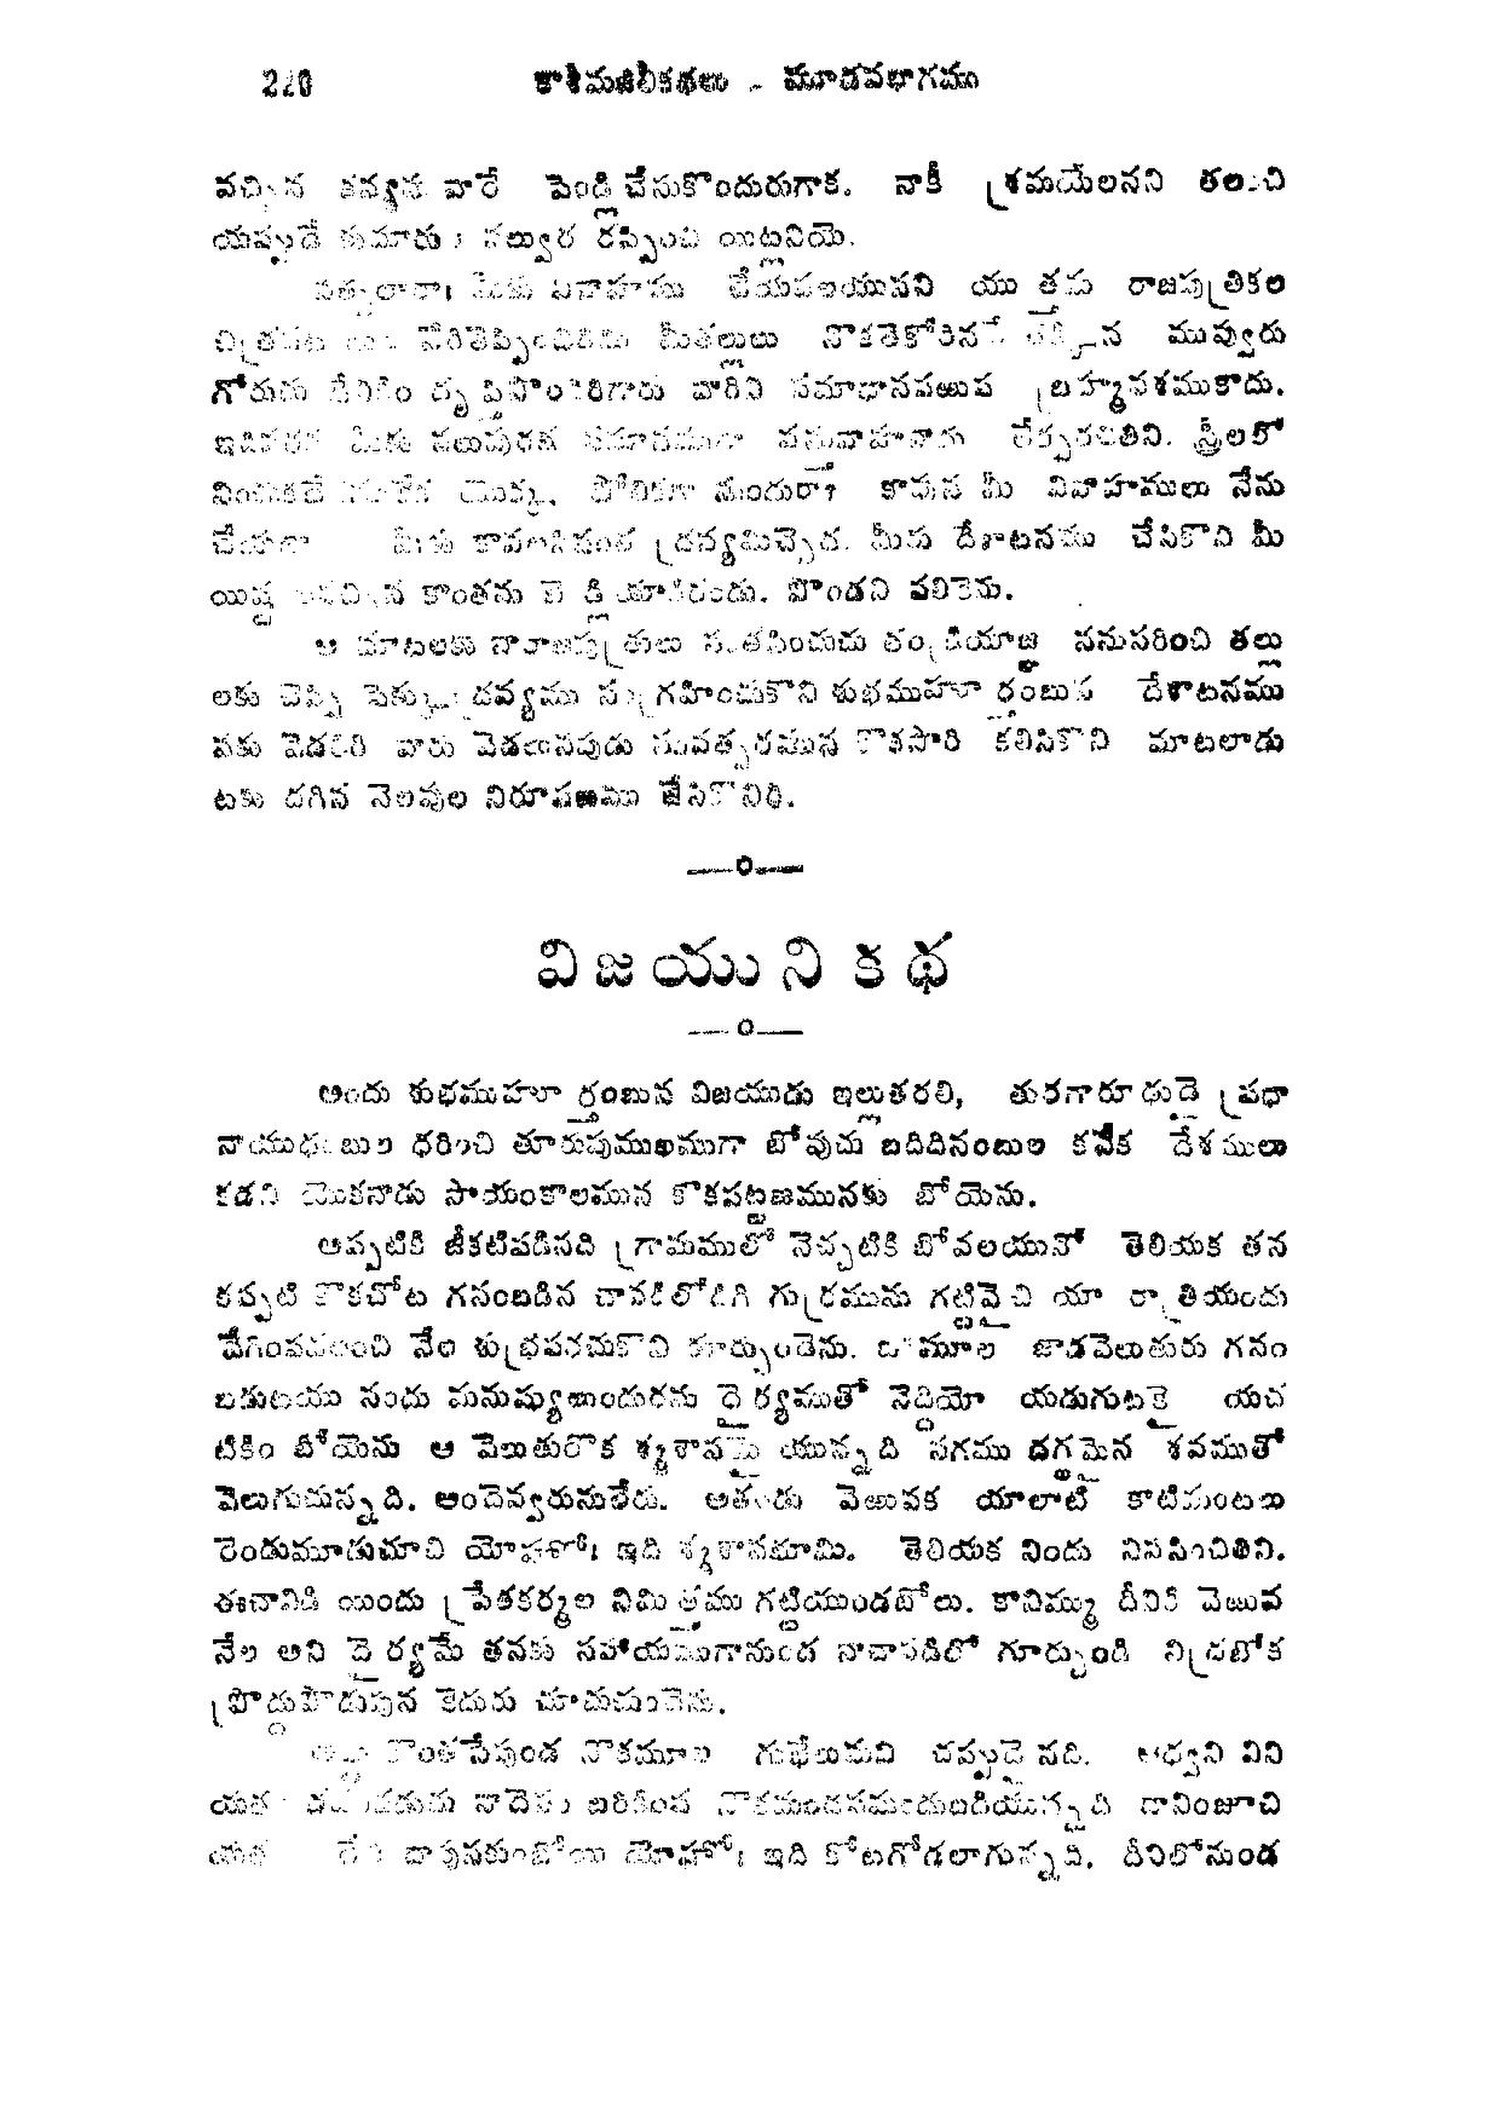వచ్చిన కన్యను వారే పెండ్లి చేసుకొందురుగాక. నాకీ శ్రమయేలనని తలంచి యప్పుడే కుమారుల నల్వుర రప్పించి యిట్లనియె.

వత్సలారా ! మీకు వివాహము చేయవలయునని యుత్తమ రాజపుత్రికల చిత్రపటంబుల నేరితెప్పించితిమి మీతల్లులు నొకతె కోరినదే తక్కిన మువ్వురు గోరుచు దేనికిం దృప్తిపొందిరిగారు వారిని సమాధానపఱుప బ్రహ్మవశముకాదు. ఇదివరకు మీకు నలువురకు సమానముగా వస్తువాహనాదు లేర్పరచితిని. స్త్రీలలో నించుకభేదము లేక యొక్క పోలికగా నుందురా? కావున మీ వివాహములు నేను చేయజాలను. మీకు కావలసినంత ద్రవ్యమిచ్చెద మీరు దేశాటనము చేసికొని మీ యిష్టమువచ్చిన కాంతను బెండ్లియాడిరండు. పొండని పలికెను.

ఆ మాటలకు నారాజపుత్రులు సంతసించుచు తండ్రియాజ్ఞ ననుసరించి తల్లులకు చెప్పి పెక్కుద్రవ్యము సంగ్రహించుకొని శుభముహూర్తంబున దేశాటనమునకు వెడలిరి వారు వెడలునపుడు సంవత్సరమున కొకసారి కలిసికొని మాటలాడుటకు దగిన నెలవుల నిరూపణము జేసికొనిరి.

విజయుని కథ

అందు శుభముహూర్తంబున విజయుడు ఇల్లుతరలి, తురగారూఢుడై ప్రధానాయుధంబుల ధరించి
తూరుపుముఖముగా బోవుచు బదిదినంబుల కనేకదేశములు కడచి యొకనాడు సాయంకాలమున కొకపట్టణమునకు బోయెను.

అప్పటికి జీకటిపడినది గ్రామములో నెచ్చటికి బోవలయునో తెలియక తన కప్పటి కొకచోట గనంబడిన చావడిలోదిగి గుర్రమును గట్టివైచి యా రాత్రియందు వేగింపదలంచి నేల శుభ్రపరచుకొని కూర్చుండెను. డామూల జాడవెలుతురు గనంబడుటయు నందు మనుష్యులుందురను ధైర్యముతో నెద్దియో యడుగుటకై యచటికిం బోయెను ఆ వెలుతురొక శ్మశానమై యున్నది సగము దగ్ధమైన శవముతో వెలుగుచున్నది. అందెవ్వరునులేరు. అతండు వెఱువక యాలాటి కాటిమంటలు రెండుమూడుచూచి యోహో! ఇది శ్మశానభూమి. తెలియక నిందు నివసించితిని. ఈచావిడి యిందు ప్రేతకర్మల నిమిత్తము గట్టియుండబోలు. కానిమ్ము దీనికి వెఱువ నేల అని ధైర్యమే తనకు సహాయముగానుండ నాచావడిలో గూర్చుండి నిద్రబోక ప్రొద్దుపొడుపున కెదురు చూచుచుండెను.

అట్టు కొంతసేపుండ నొకమూల గుభేలుమని చప్పుడైనది. ఆధ్వని విని యతం డదరిపడుచు నాదెసం బరికింప నొకమందస మందు బడియున్నది. దానింజూచి యతడు లేచి దాపునకుంబోయి యోహో! ఇది
కోటగోడలాగున్నది. దీనిలోమండ